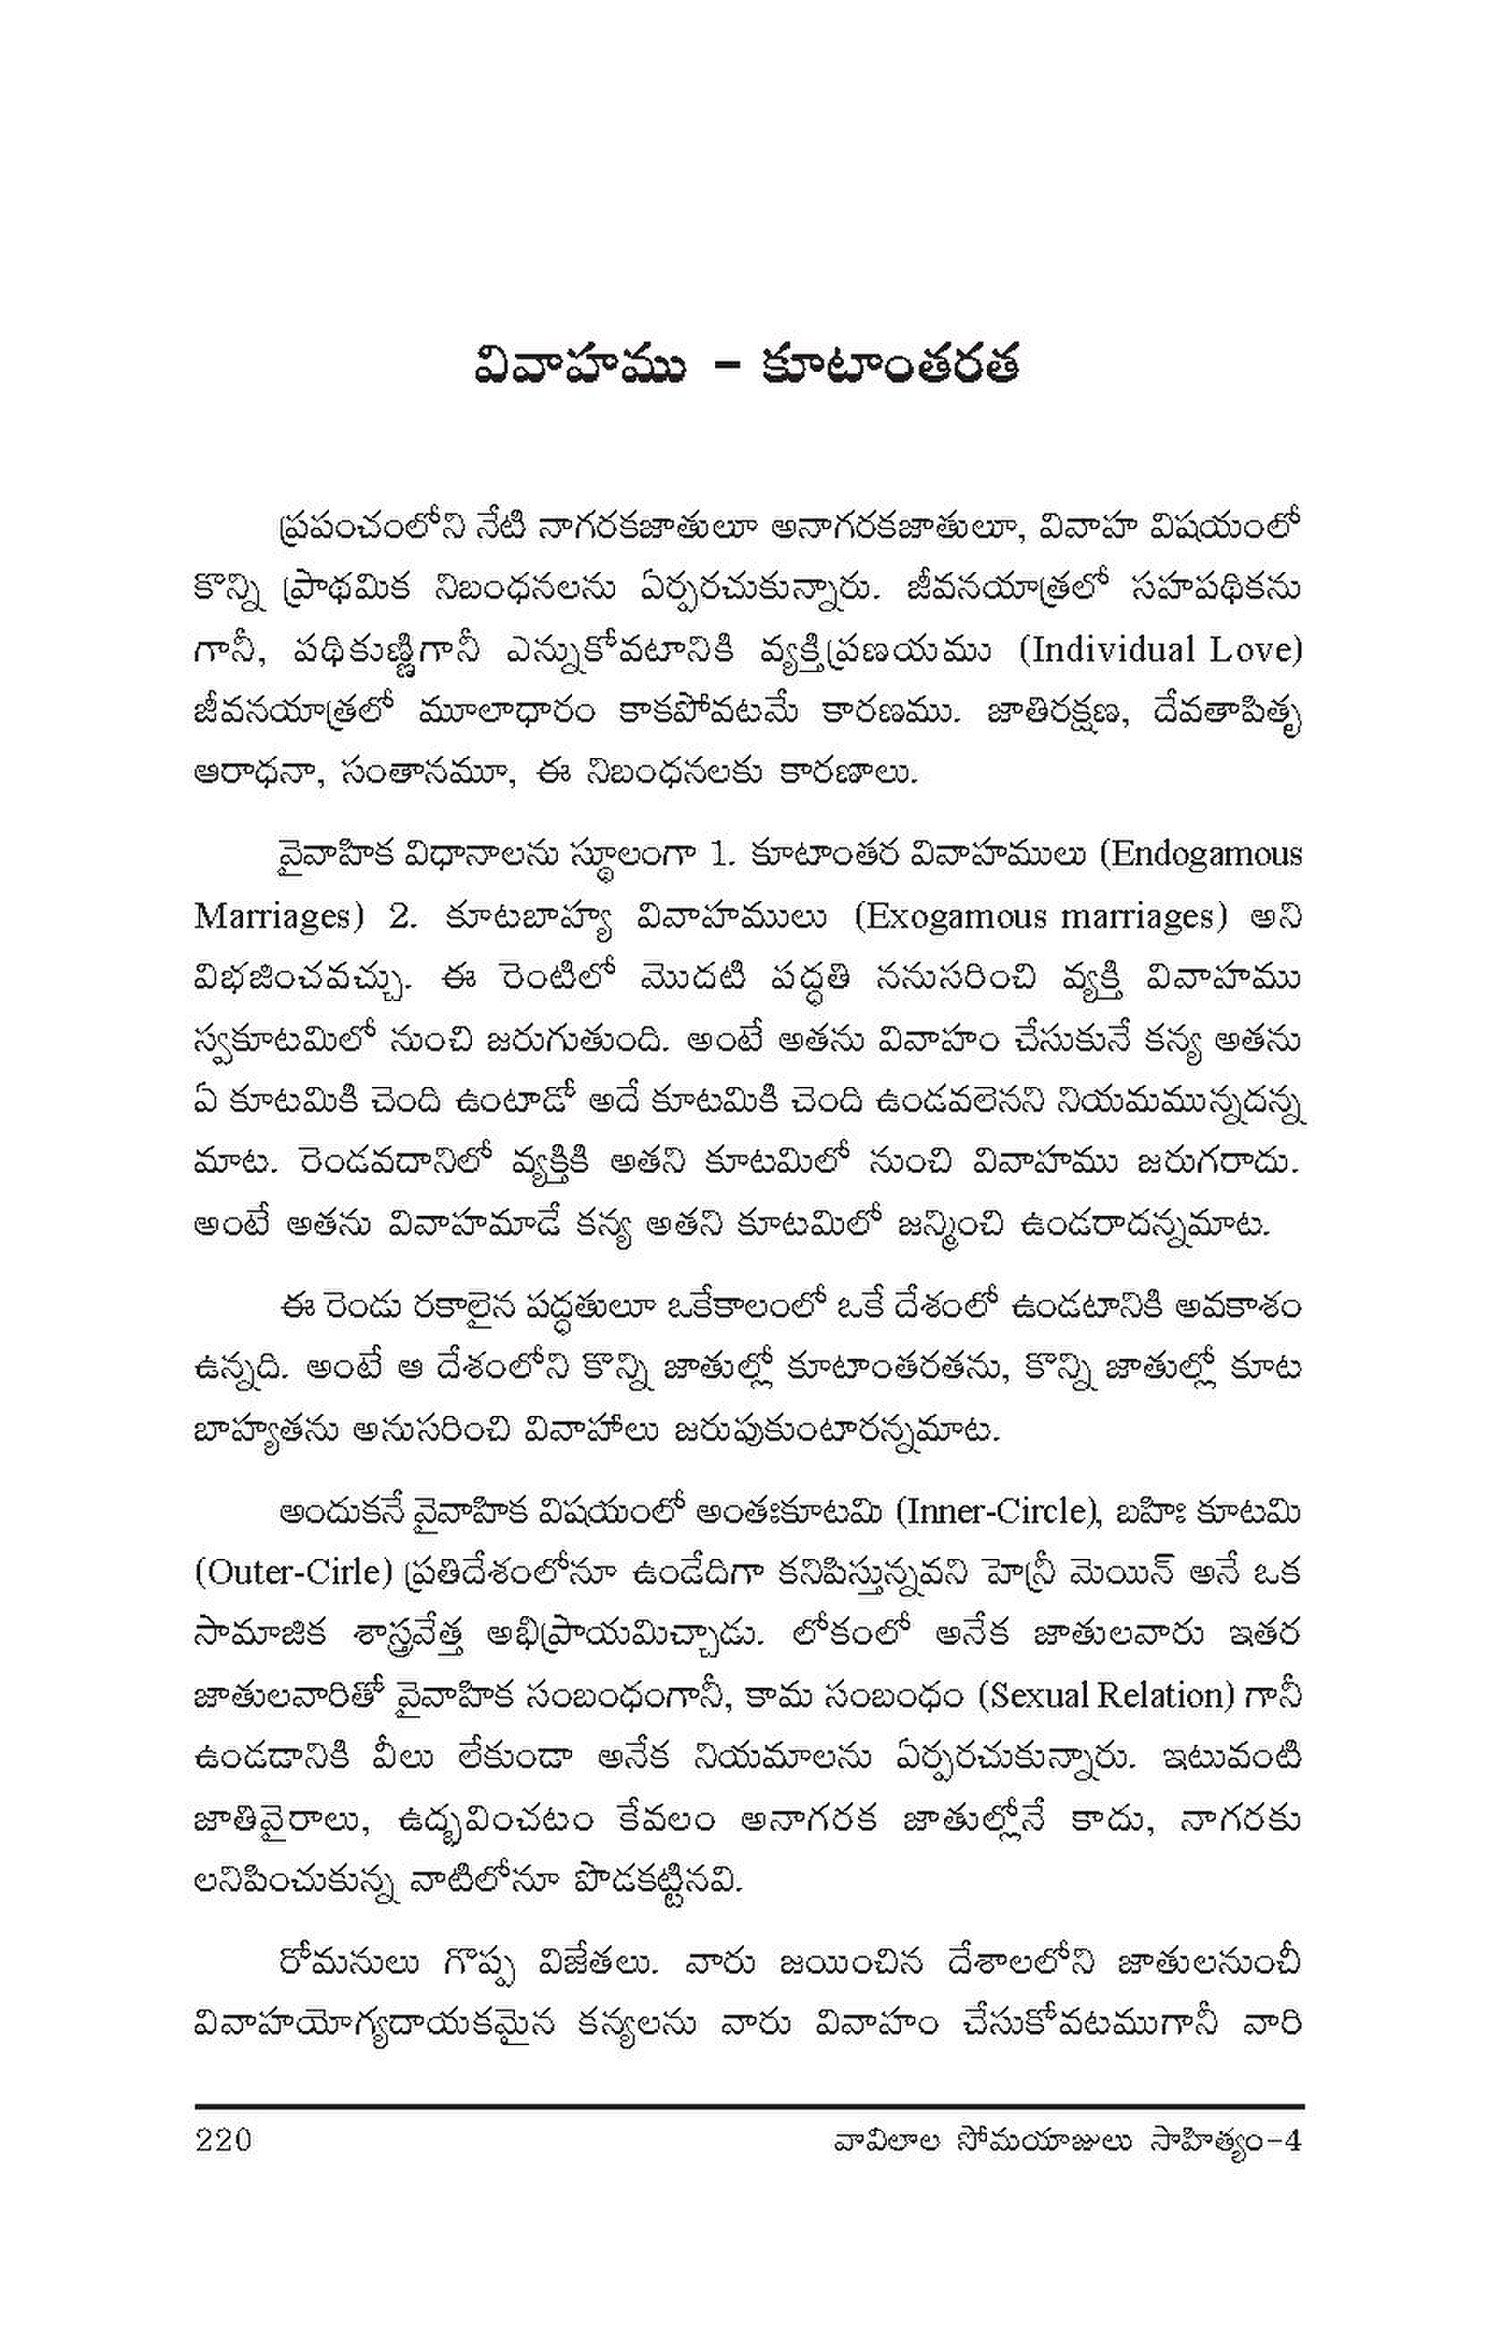ప్రపంచంలోని నేటి నాగరకజాతులూ అనాగరకజాతులూ, వివాహ విషయంలో
కొన్ని ప్రాథమిక నిబంధనలను ఏర్పరచుకున్నారు. జీవనయాత్రలో సహపథికను
గానీ, పథికుణ్ణిగానీ ఎన్నుకోవటానికి వ్యక్తిప్రణయము (Individual Love)
జీవనయాత్రలో మూలాధారం కాకపోవటమే కారణము. జాతిరక్షణ, దేవతాపితృ
ఆరాధనా, సంతానమూ, ఈ నిబంధనలకు కారణాలు.

వైవాహిక విధానాలను స్థూలంగా 1. కూటాంతర వివాహములు (Endogamous
Marriages) 2. కూటబాహ్య వివాహములు (Exogamous marriages) అని
విభజించవచ్చు. ఈ రెంటిలో మొదటి పద్ధతి ననుసరించి వ్యక్తి వివాహము
స్వకూటమిలో నుంచి జరుగుతుంది. అంటే అతను వివాహం చేసుకునే కన్య అతను
ఏ కూటమికి చెంది ఉంటాడో అదే కూటమికి చెంది ఉండవలెనని నియమమున్నదన్న
మాట. రెండవదానిలో వ్యక్తికి అతని కూటమిలో నుంచి వివాహము జరుగరాదు.
అంటే అతను వివాహమాడే కన్య అతని కూటమిలో జన్మించి ఉండరాదన్నమాట.

ఈ రెండు రకాలైన పద్ధతులూ ఒకేకాలంలో ఒకే దేశంలో ఉండటానికి అవకాశం
ఉన్నది. అంటే ఆ దేశంలోని కొన్ని జాతుల్లో కూటాంతరతను, కొన్ని జాతుల్లో కూట
బాహ్యతను అనుసరించి వివాహాలు జరుపుకుంటారన్నమాట.

అందుకనే వైవాహిక విషయంలో అంతఃకూటమి (Inner-Circle), బహిః కూటమి
(Outer-Cirle) ప్రతిదేశంలోనూ ఉండేదిగా కనిపిస్తున్నవని హెన్రీ మెయిన్ అనే ఒక
సామాజిక శాస్త్రవేత్త అభిప్రాయమిచ్చాడు. లోకంలో అనేక జాతులవారు ఇతర
జాతులవారితో వైవాహిక సంబంధంగానీ, కామ సంబంధం (Sexual Relation) గానీ
ఉండడానికి వీలు లేకుండా అనేక నియమాలను ఏర్పరచుకున్నారు. ఇటువంటి
జాతివైరాలు, ఉద్భవించటం కేవలం అనాగరిక జాతుల్లోనే కాదు, నాగరకు
లనిపించుకున్న వాటిలోనూ పొడకట్టినవి.

రోమనులు గొప్ప విజేతలు. వారు జయించిన దేశాలలోని జాతులనుంచీ
వివాహయోగ్యదాయకమైన కన్యలను వారు వివాహం చేసుకోవటముగానీ వారి